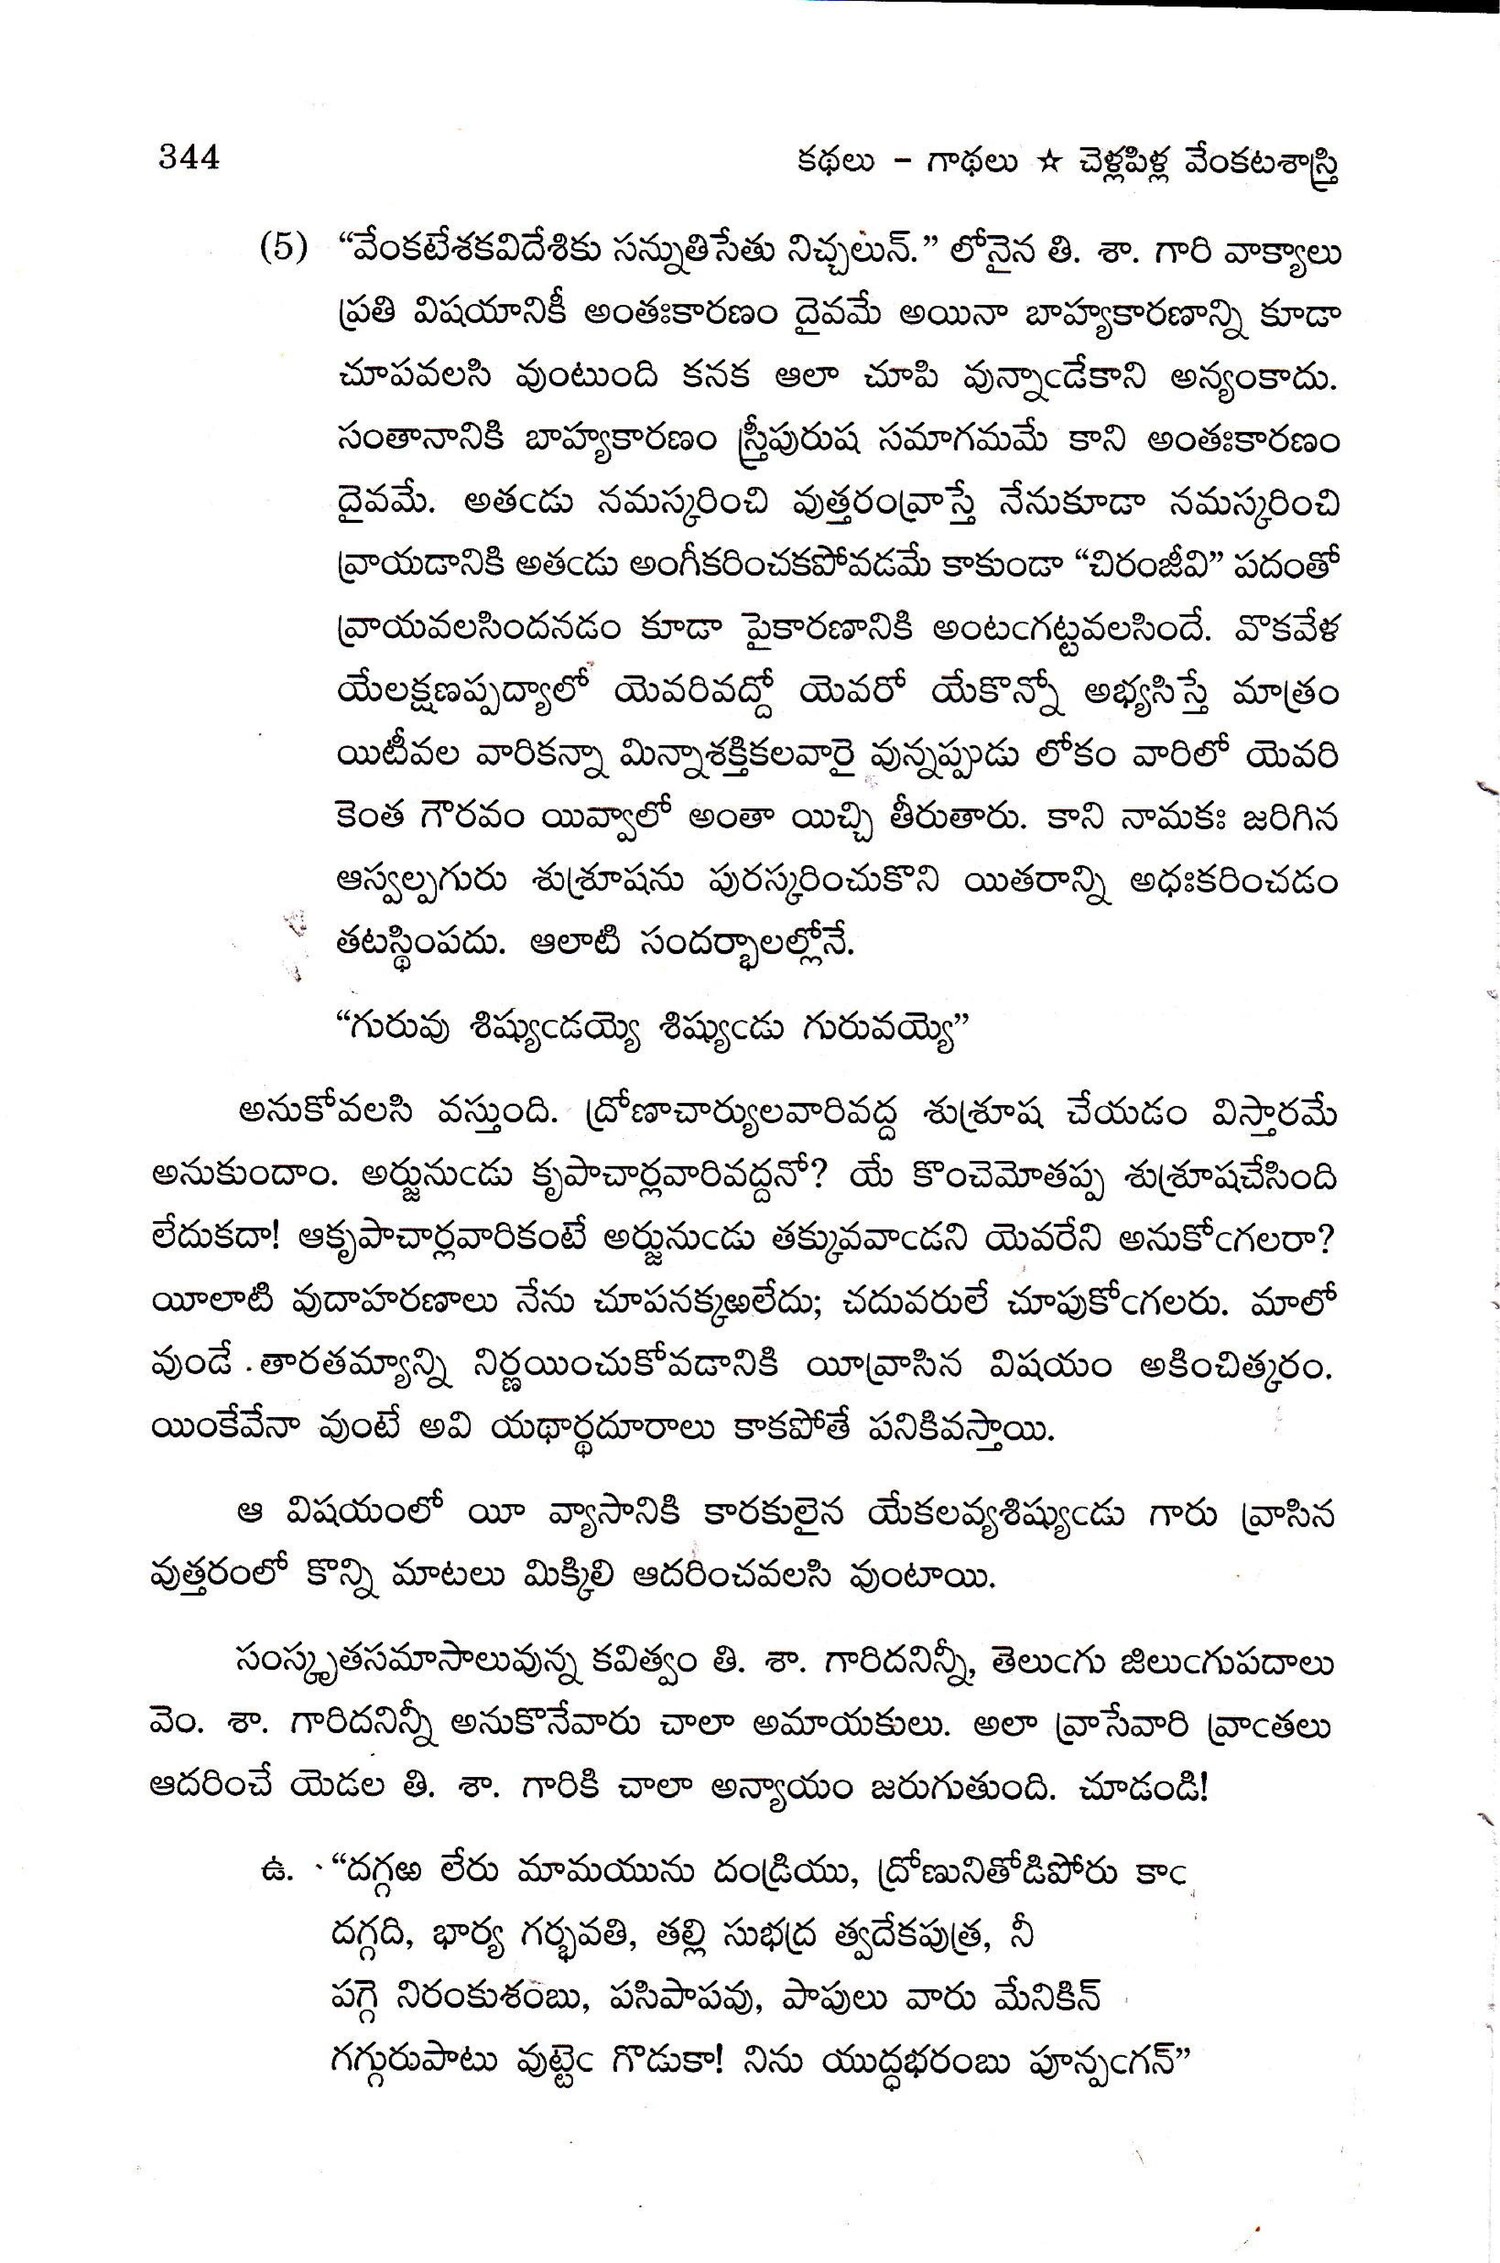(5) "వేంకటేశకవిదేశికు సన్నుతిసేతు నిచ్చలున్." లోనైన తి. శా. గారి వాక్యాలు ప్రతి విషయానికీ అంతఃకారణం దైవమే అయినా బాహ్యకారణాన్ని కూడా చూపవలసి వుంటుంది కనక ఆలా చూపి వున్నాఁడేకాని అన్యంకాదు. సంతానానికి బాహ్యకారణం స్త్రీపురుష సమాగమమే కాని అంతఃకారణం దైవమే. అతఁడు నమస్కరించి వుత్తరంవ్రాస్తే నేనుకూడా నమస్కరించి వ్రాయడానికి అతఁడు అంగీకరించకపోవడమే కాకుండా "చిరంజీవి" పదంతో వ్రాయవలసిందనడం కూడా పైకారణానికి అంటఁగట్టవలసిందే. వొకవేళ యేలక్షణప్పద్యాలో యెవరివద్దో యెవరో యేకొన్నో అభ్యసిస్తే మాత్రం యిటీవల వారికన్నా మిన్నాశక్తికలవారై వున్నప్పుడు లోకం వారిలో యెవరి కెంత గౌరవం యివ్వాలో అంతా యిచ్చి తీరుతారు. కాని నామకః జరిగిన ఆస్వల్పగురు శుశ్రూషను పురస్కరించుకొని యితరాన్ని అధఃకరించడం తటస్థింపదు. ఆలాటి సందర్భాలల్లోనే.

"గురువు శిష్యుఁడయ్యె శిష్యుఁడు గురువయ్యె"
అనుకోవలసి వస్తుంది. ద్రోణాచార్యులవారివద్ద శుశ్రూష చేయడం విస్తారమే అనుకుందాం. అర్జునుఁడు కృపాచార్లవారివద్దనో? యే కొంచెమోతప్ప శుశ్రూషచేసింది లేదుకదా! ఆకృపాచార్లవారికంటే అర్జునుఁడు తక్కువవాఁడని యెవరేని అనుకోఁగలరా? యీలాటి వుదాహరణాలు నేను చూపనక్కఱలేదు; చదువరులే చూపుకోఁగలరు. మాలో వుండే . తారతమ్యాన్ని నిర్ణయించుకోవడానికి యీవ్రాసిన విషయం అకించిత్కరం. యింకేవేనా వుంటే అవి యథార్థదూరాలు కాకపోతే పనికివస్తాయి. -

ఆ విషయంలో యీ వ్యాసానికి కారకులైన యేకలవ్యశిష్యుఁడు గారు వ్రాసిన వుత్తరంలో కొన్ని మాటలు మిక్కిలి ఆదరించవలసి వుంటాయి.

సంస్కృతసమాసాలువున్న కవిత్వం తి. శా. గారిదనిన్నీ తెలుఁగు జిలుఁగుపదాలు వెం. శా. గారిదనిన్నీ అనుకొనేవారు చాలా అమాయకులు. అలా వ్రాసేవారి వ్రాఁతలు ఆదరించే యెడల తి. శా. గారికి చాలా అన్యాయం జరుగుతుంది. చూడండి!

ఉ. "దగ్గఱ లేరు మామయును దండ్రియు, ద్రోణునితోడిపోరు కాఁ 
 దగ్గది, భార్య గర్భవతి, తల్లి సుభద్ర త్వదేకపుత్ర, నీ 
 పగ్గె నిరంకుశంబు, పసిపాపవు, పాపులు వారు మేనికిన్ 
 గగ్గురుపాటు వుట్టెఁ గొడుకా! నిను యుద్ధభరంబు పూన్పఁగన్"